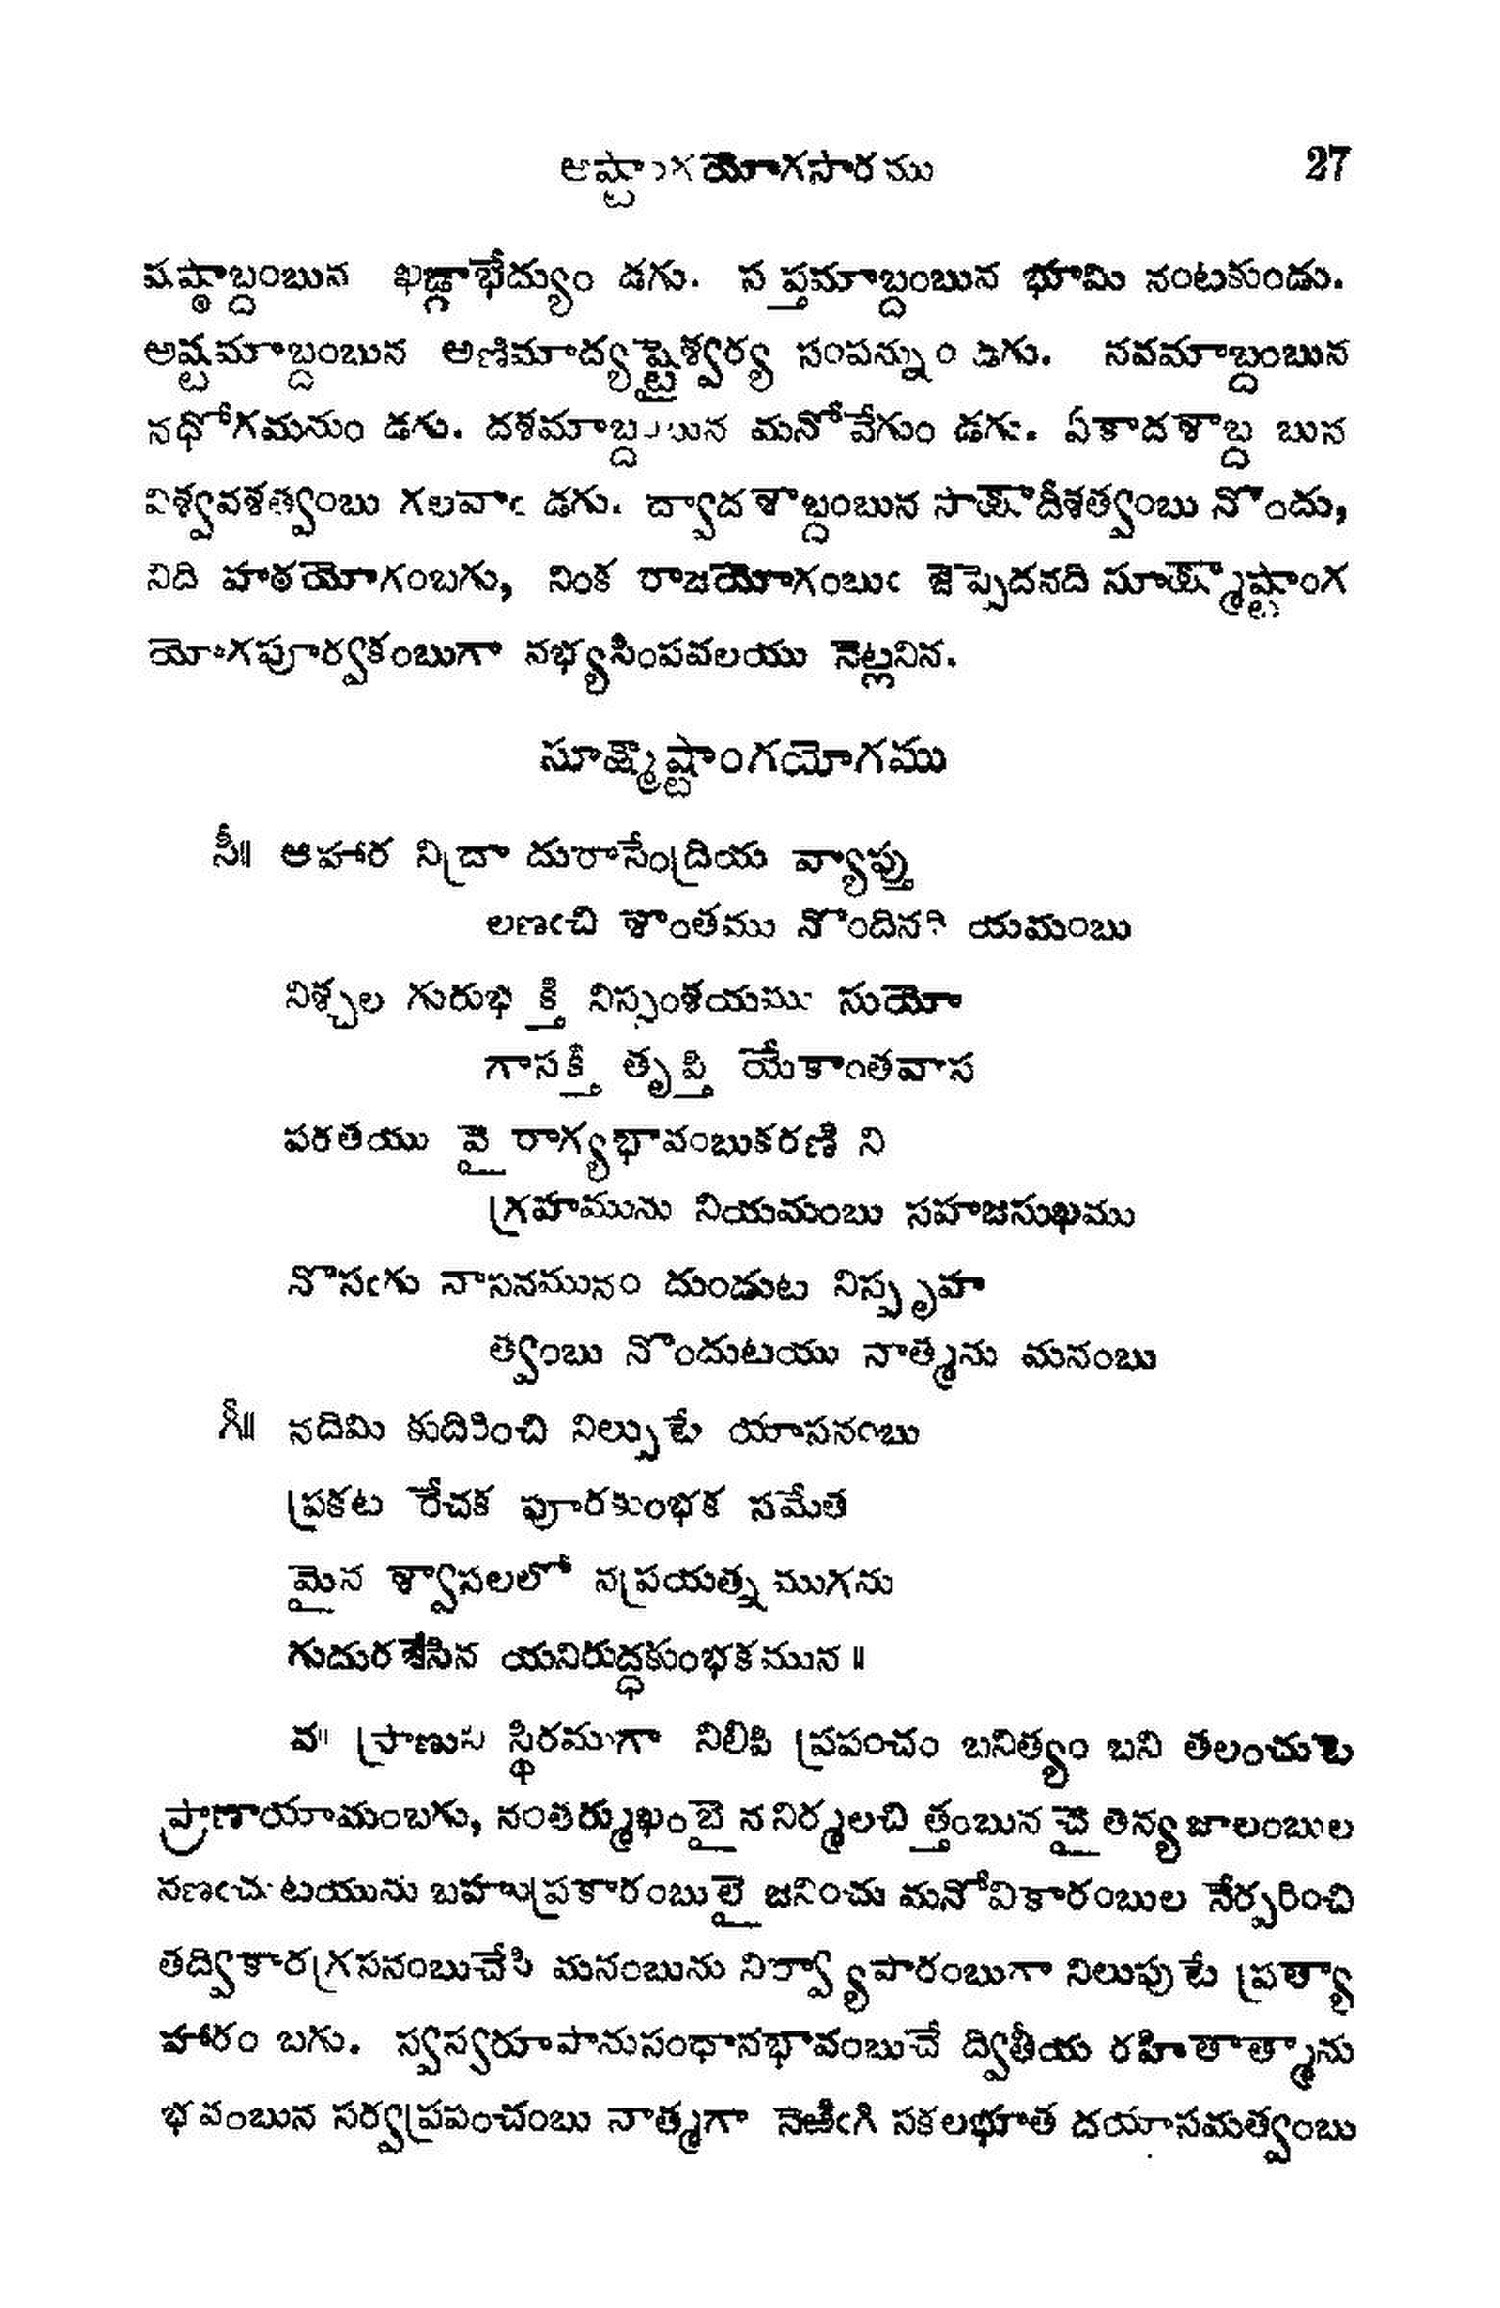షష్ఠాబ్దంబున ఖడ్గాభేద్యుం డగు. సప్తమాబ్దంబున భూమి నంటకుండు. అష్టమాబ్దంబున అణిమాద్యష్టైశ్వర్య సంపన్నుం డగు. నవమాబ్దంబున నధోగమనుం డగు. దశమాబ్దంబున మనోవేగుం డగు. ఏకాదశాబ్దంబున విశ్వవశత్వంబు గలవాఁ డగు. ద్వాదశాబ్దంబున సాక్షాదీశత్వంబు నొందు, నిది హఠయోగంబగు, నింక రాజయోగంబుఁ జెప్పెద నది సూక్ష్మాష్టాంగయోగపూర్వకంబుగా నభ్యసింపవలయు నెల్లనిన.

సీ. ఆహార నిద్రా దురాసేంద్రియ వ్యాప్తు
 లణఁచి శాంతము నొందినది యమంబు
 నిశ్చల గురుభక్తి నిస్సంశయము సుయో
 గాసక్తి తృప్తి యేకాంతవాస
 పరతయు వైరాగ్యభావంబుకరణి ని
 గ్రహమును నియమంబు సహజసుఖము
 నొసఁగు నాసనమునం దుండుట నిస్పృహ
 త్వంబు నొందుటయు నాత్మను మనంబు
గీ. నదిమి కుదిరించి నిల్పుటే యాసనంబు
 ప్రకట రేచక పూరకుంభక సమేత
 మైన శ్వాసలలో నప్రయత్నముగను
 గుదురజేసిన యనిరుద్ధకుంభకమున.
వ. ప్రాణుని స్థిరముగా నిలిపి ప్రపంచం బనిత్యం బని తలంచుటే ప్రాణాయామంబగు, నంతర్ముఖంబైన నిర్మలచిత్తంబున చైతన్యజాలంబుల నణఁచుటయును బహుప్రకారంబులై జనించు మనోవికారంబుల నేర్పరించి తద్వికారగ్రసనంబు చేసి మనంబును నిర్వ్యాపారంబుగా నిలుపుటే ప్రత్యాహారం బగు. స్వస్వరూపానుసంధానభావంబుచే ద్వితీయరహితాత్మానుభవంబున సర్వప్రపంచంబు నాత్మగా నెఱిఁగి సకలభూతదయాసమత్వంబు